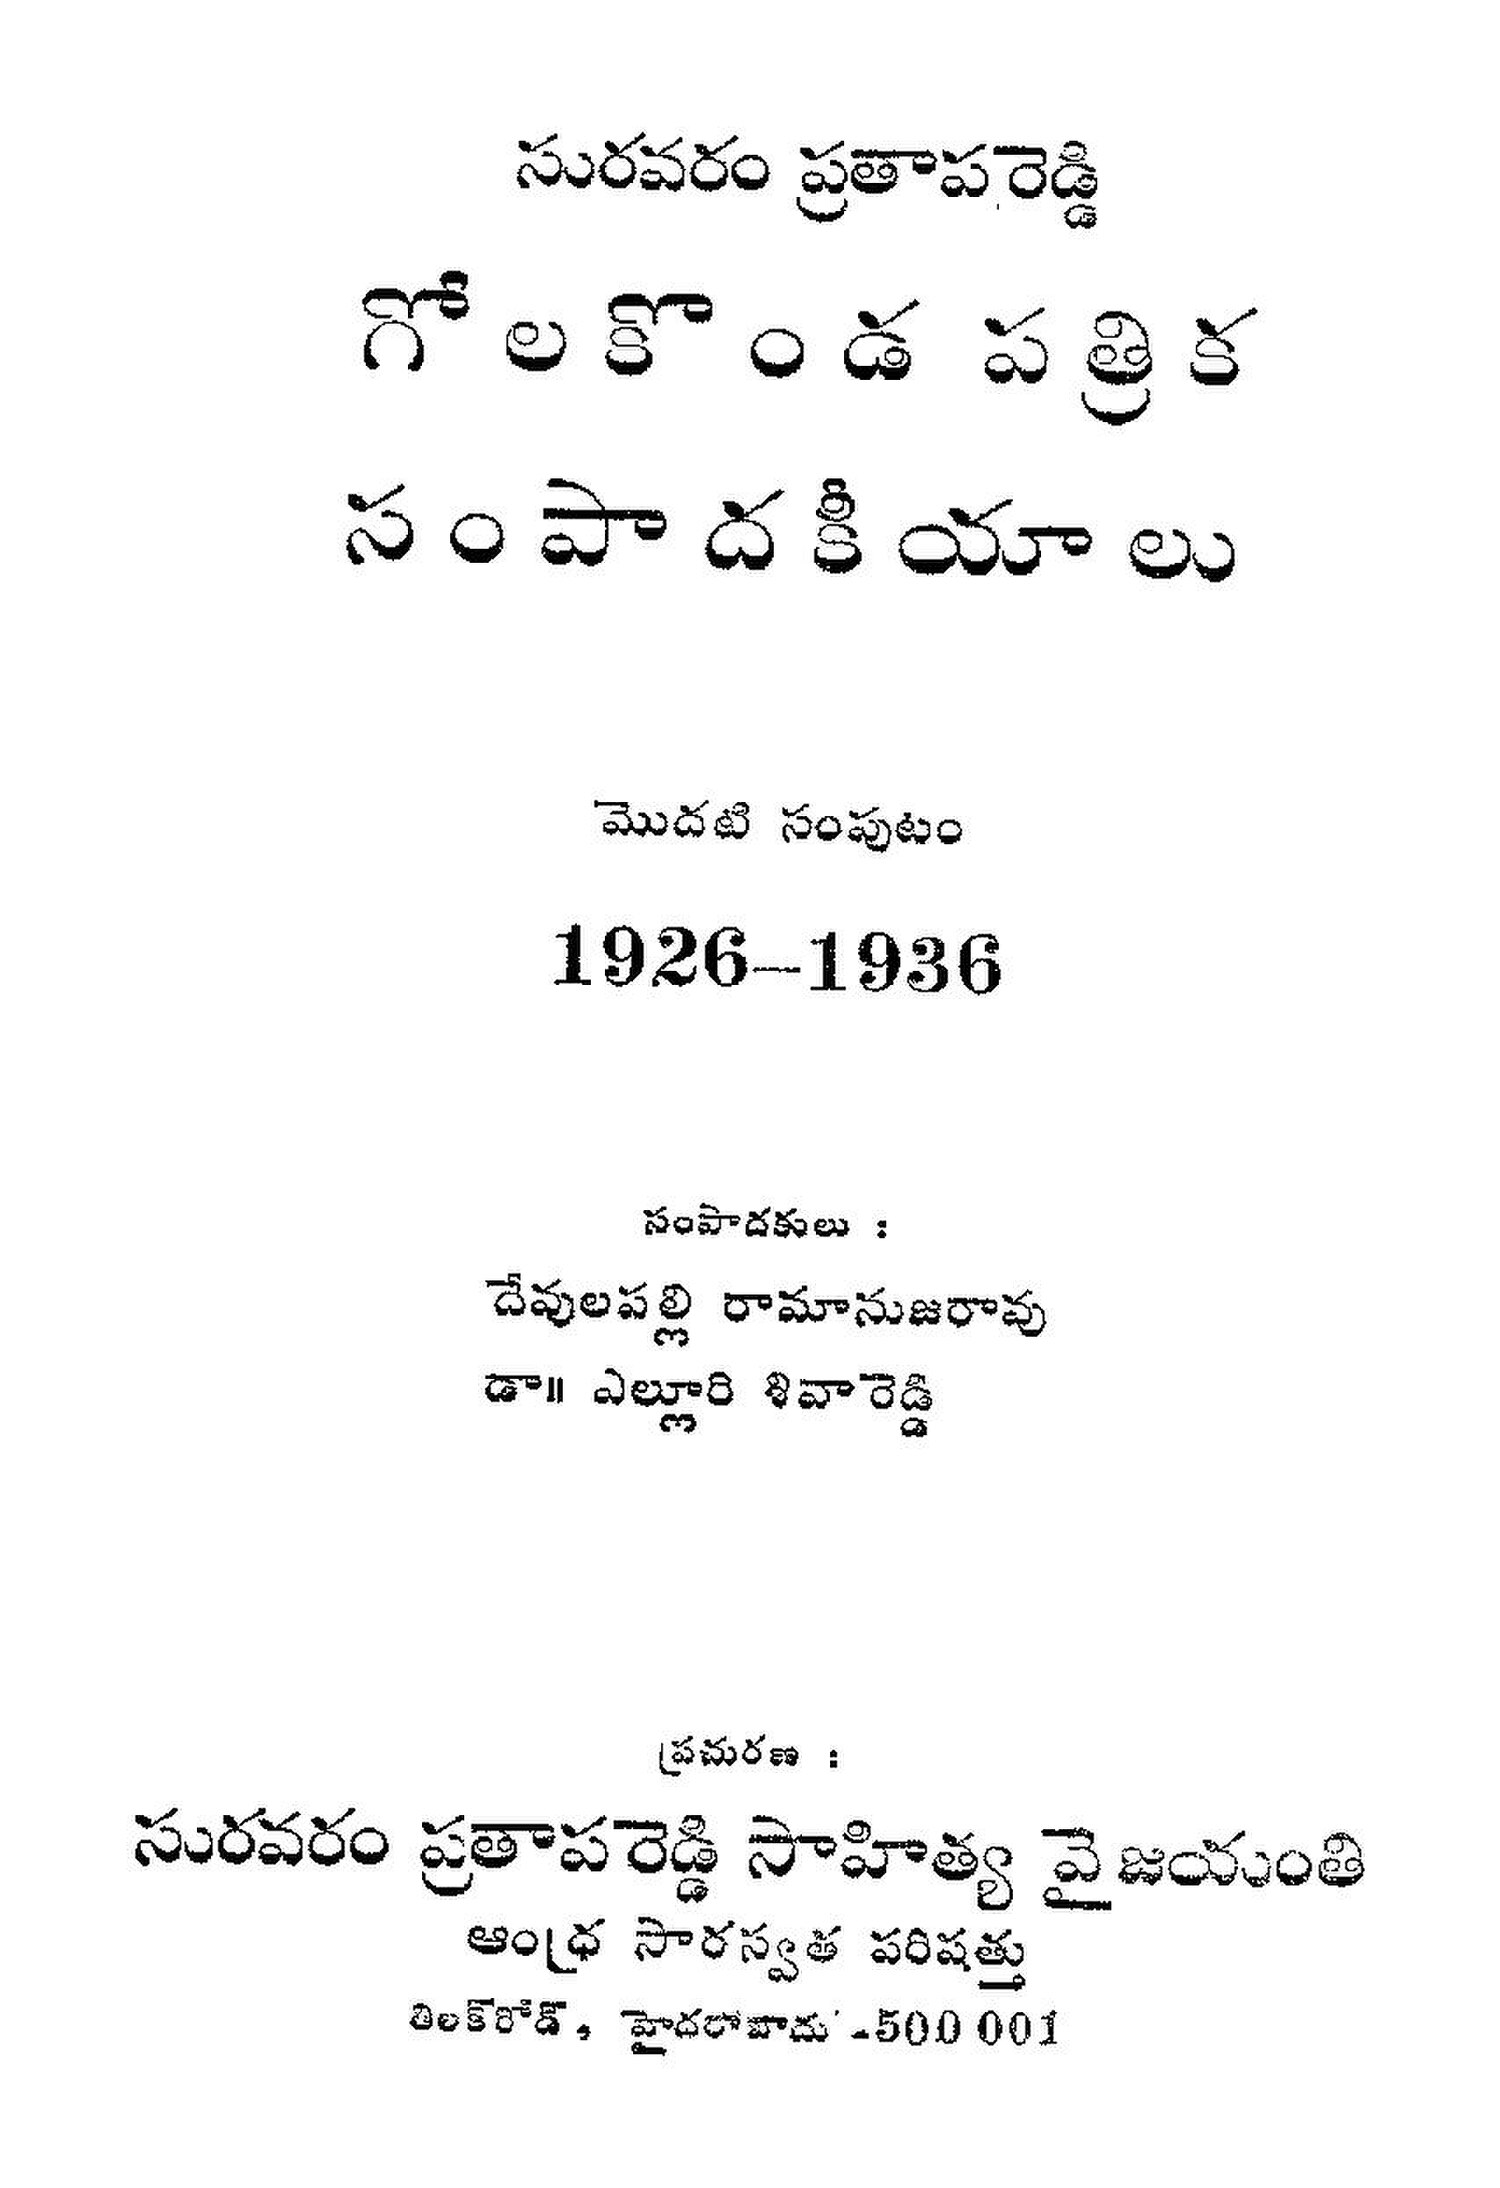సురవరం ప్రతాపరెడ్డి

గోలకొండ పత్రిక సంపాదకీయాలు

మొదటి సంపుటం

1926 - 1936

సంపాదకులు : 

దేవులపల్లి రామానుజరావు
డా॥ ఎల్లూరి శివారెడ్డి

ప్రచురణ :
సురవరం ప్రతాపరెడ్డి సాహిత్య వైజయంతి
ఆంధ్ర సారస్వత పరిషత్తు
తిలక్‌రోడ్, హైదరాబాదు - 500 001.